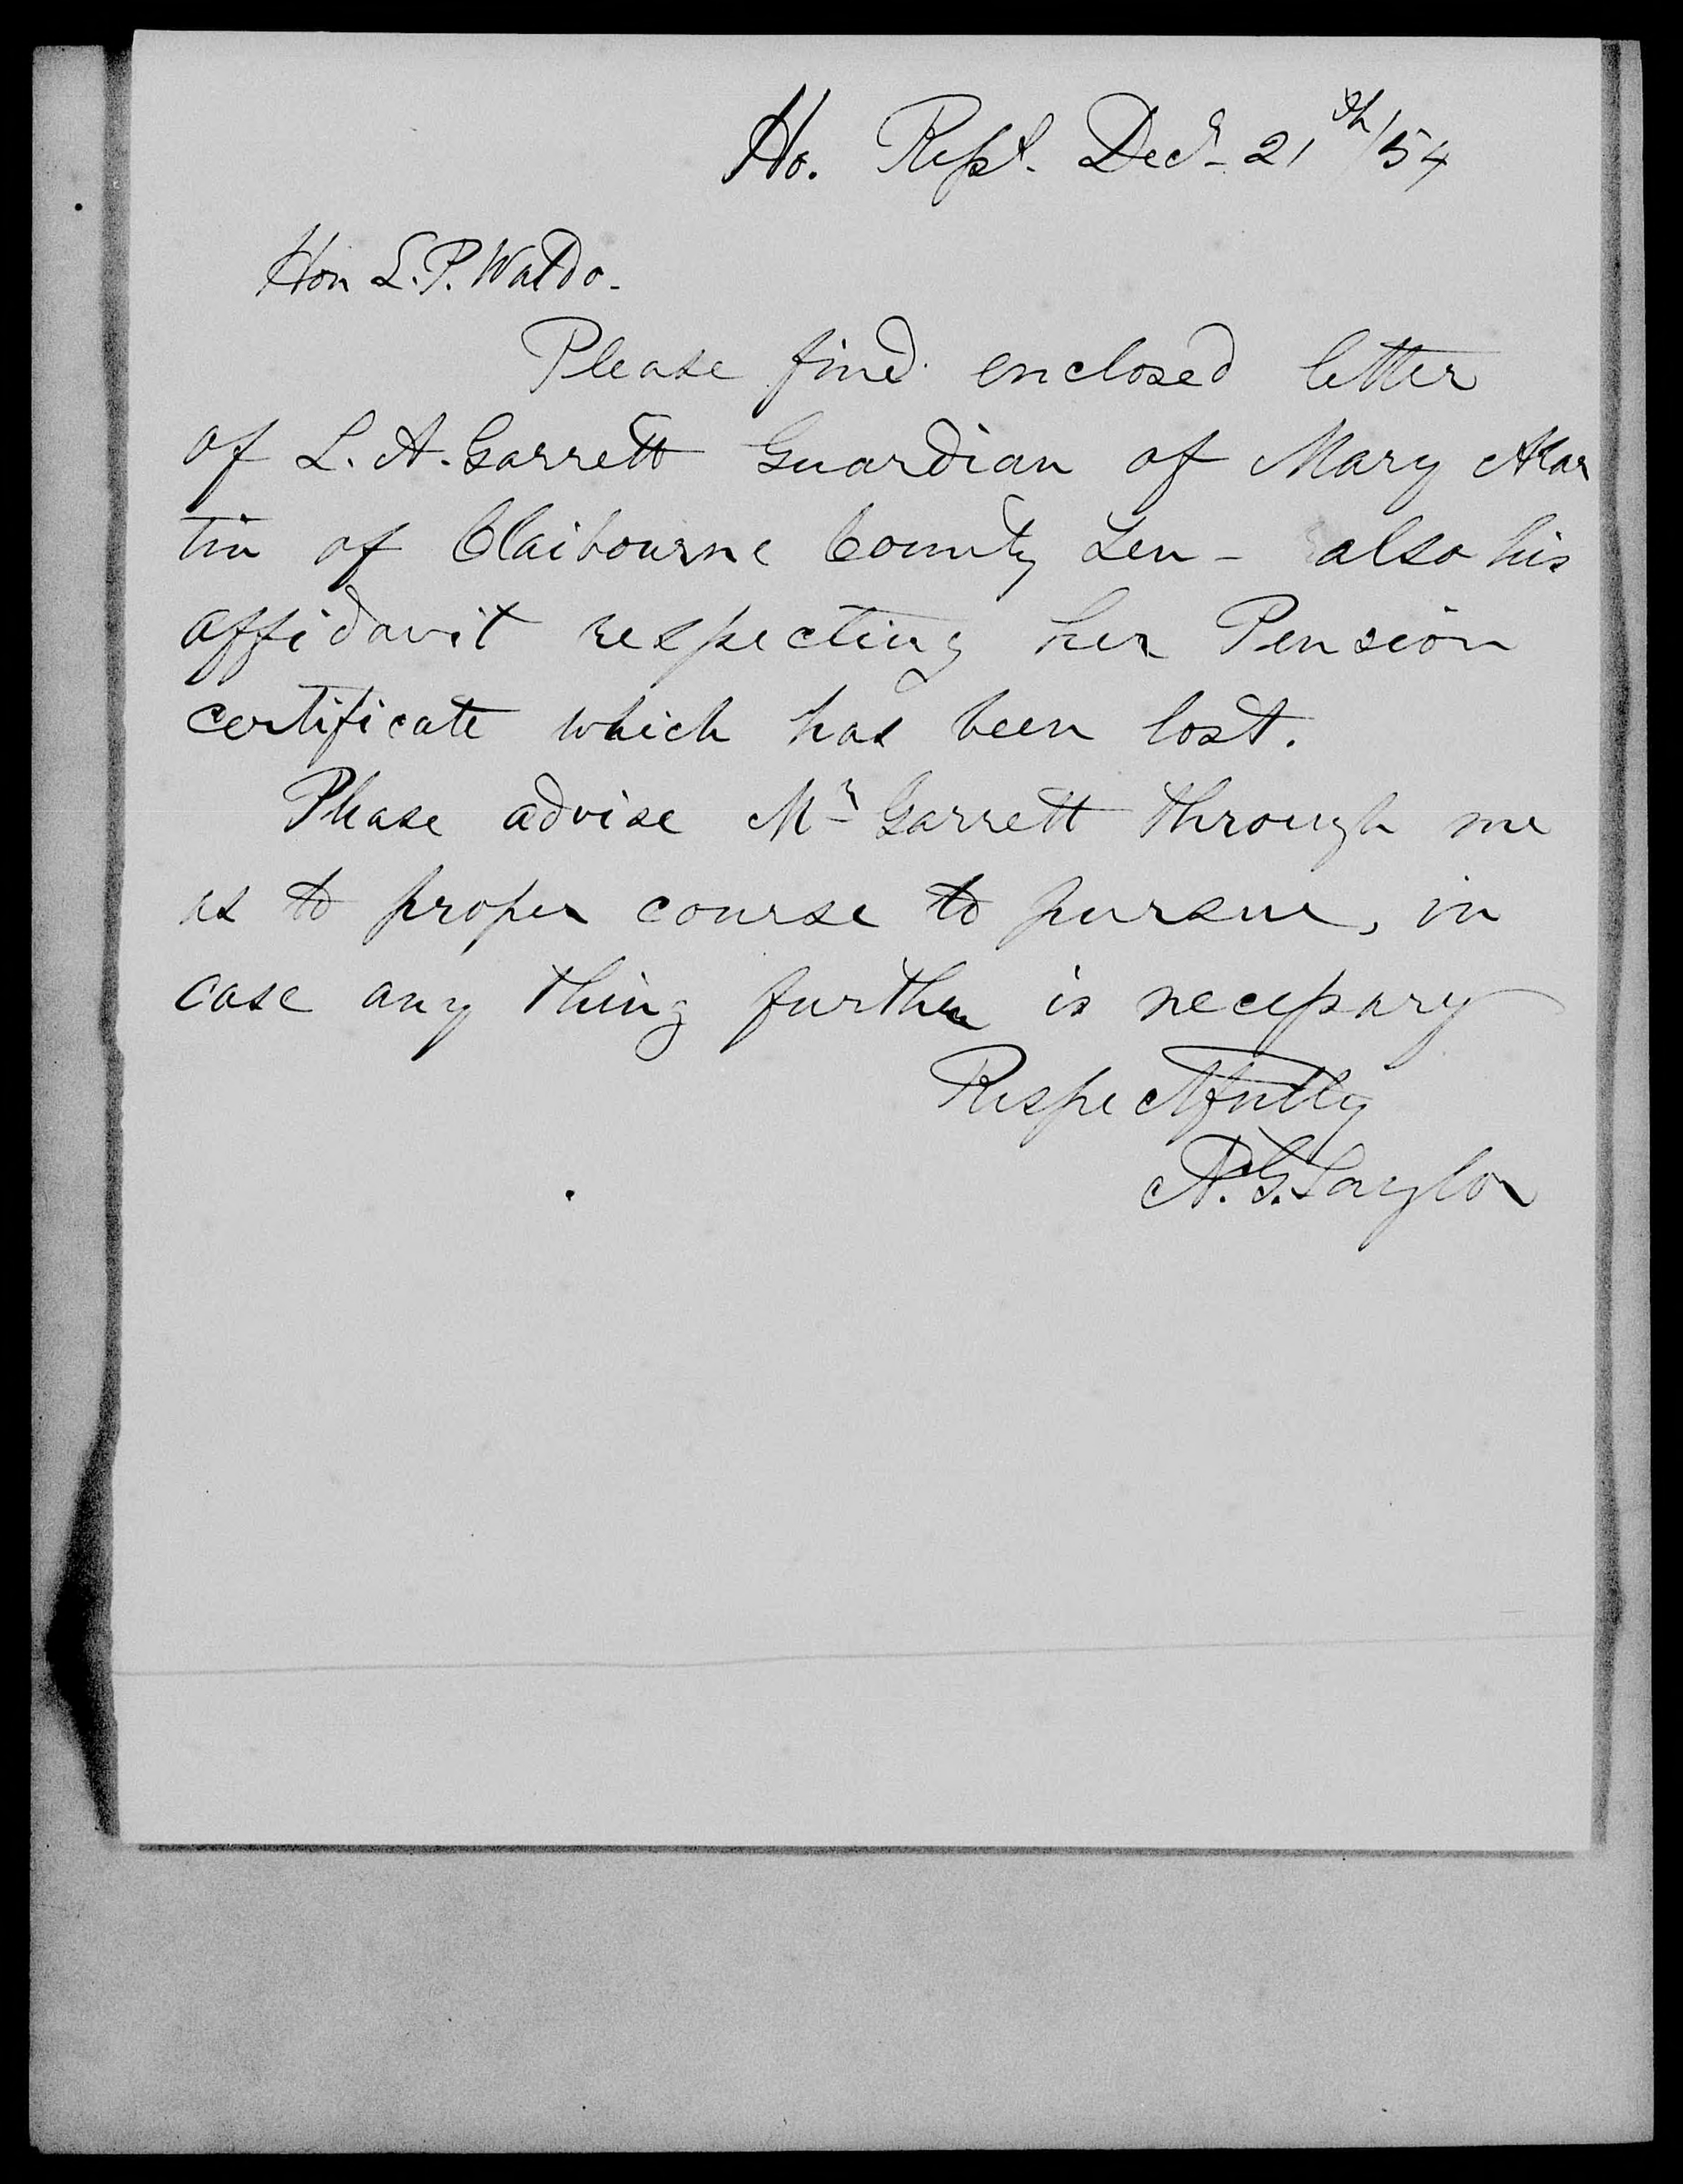Ho. Rept. Dec 21 [illegible] 54
Hon L.P.Waldo.
Please find enclosed letter
of L. A. Garrett Guardian of Mary Mar
tin of Claibourne County Ten__ also his
affidavit respecting her Pension
certificate which has been lost.
Please advise Mr Garrett through me
as to proper course to pursue, in
case any thing further is necessary
Respectfully
A. G. Layton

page: 42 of 120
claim: widow's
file: W. 1044, for Salathiel Martin, North Carolina